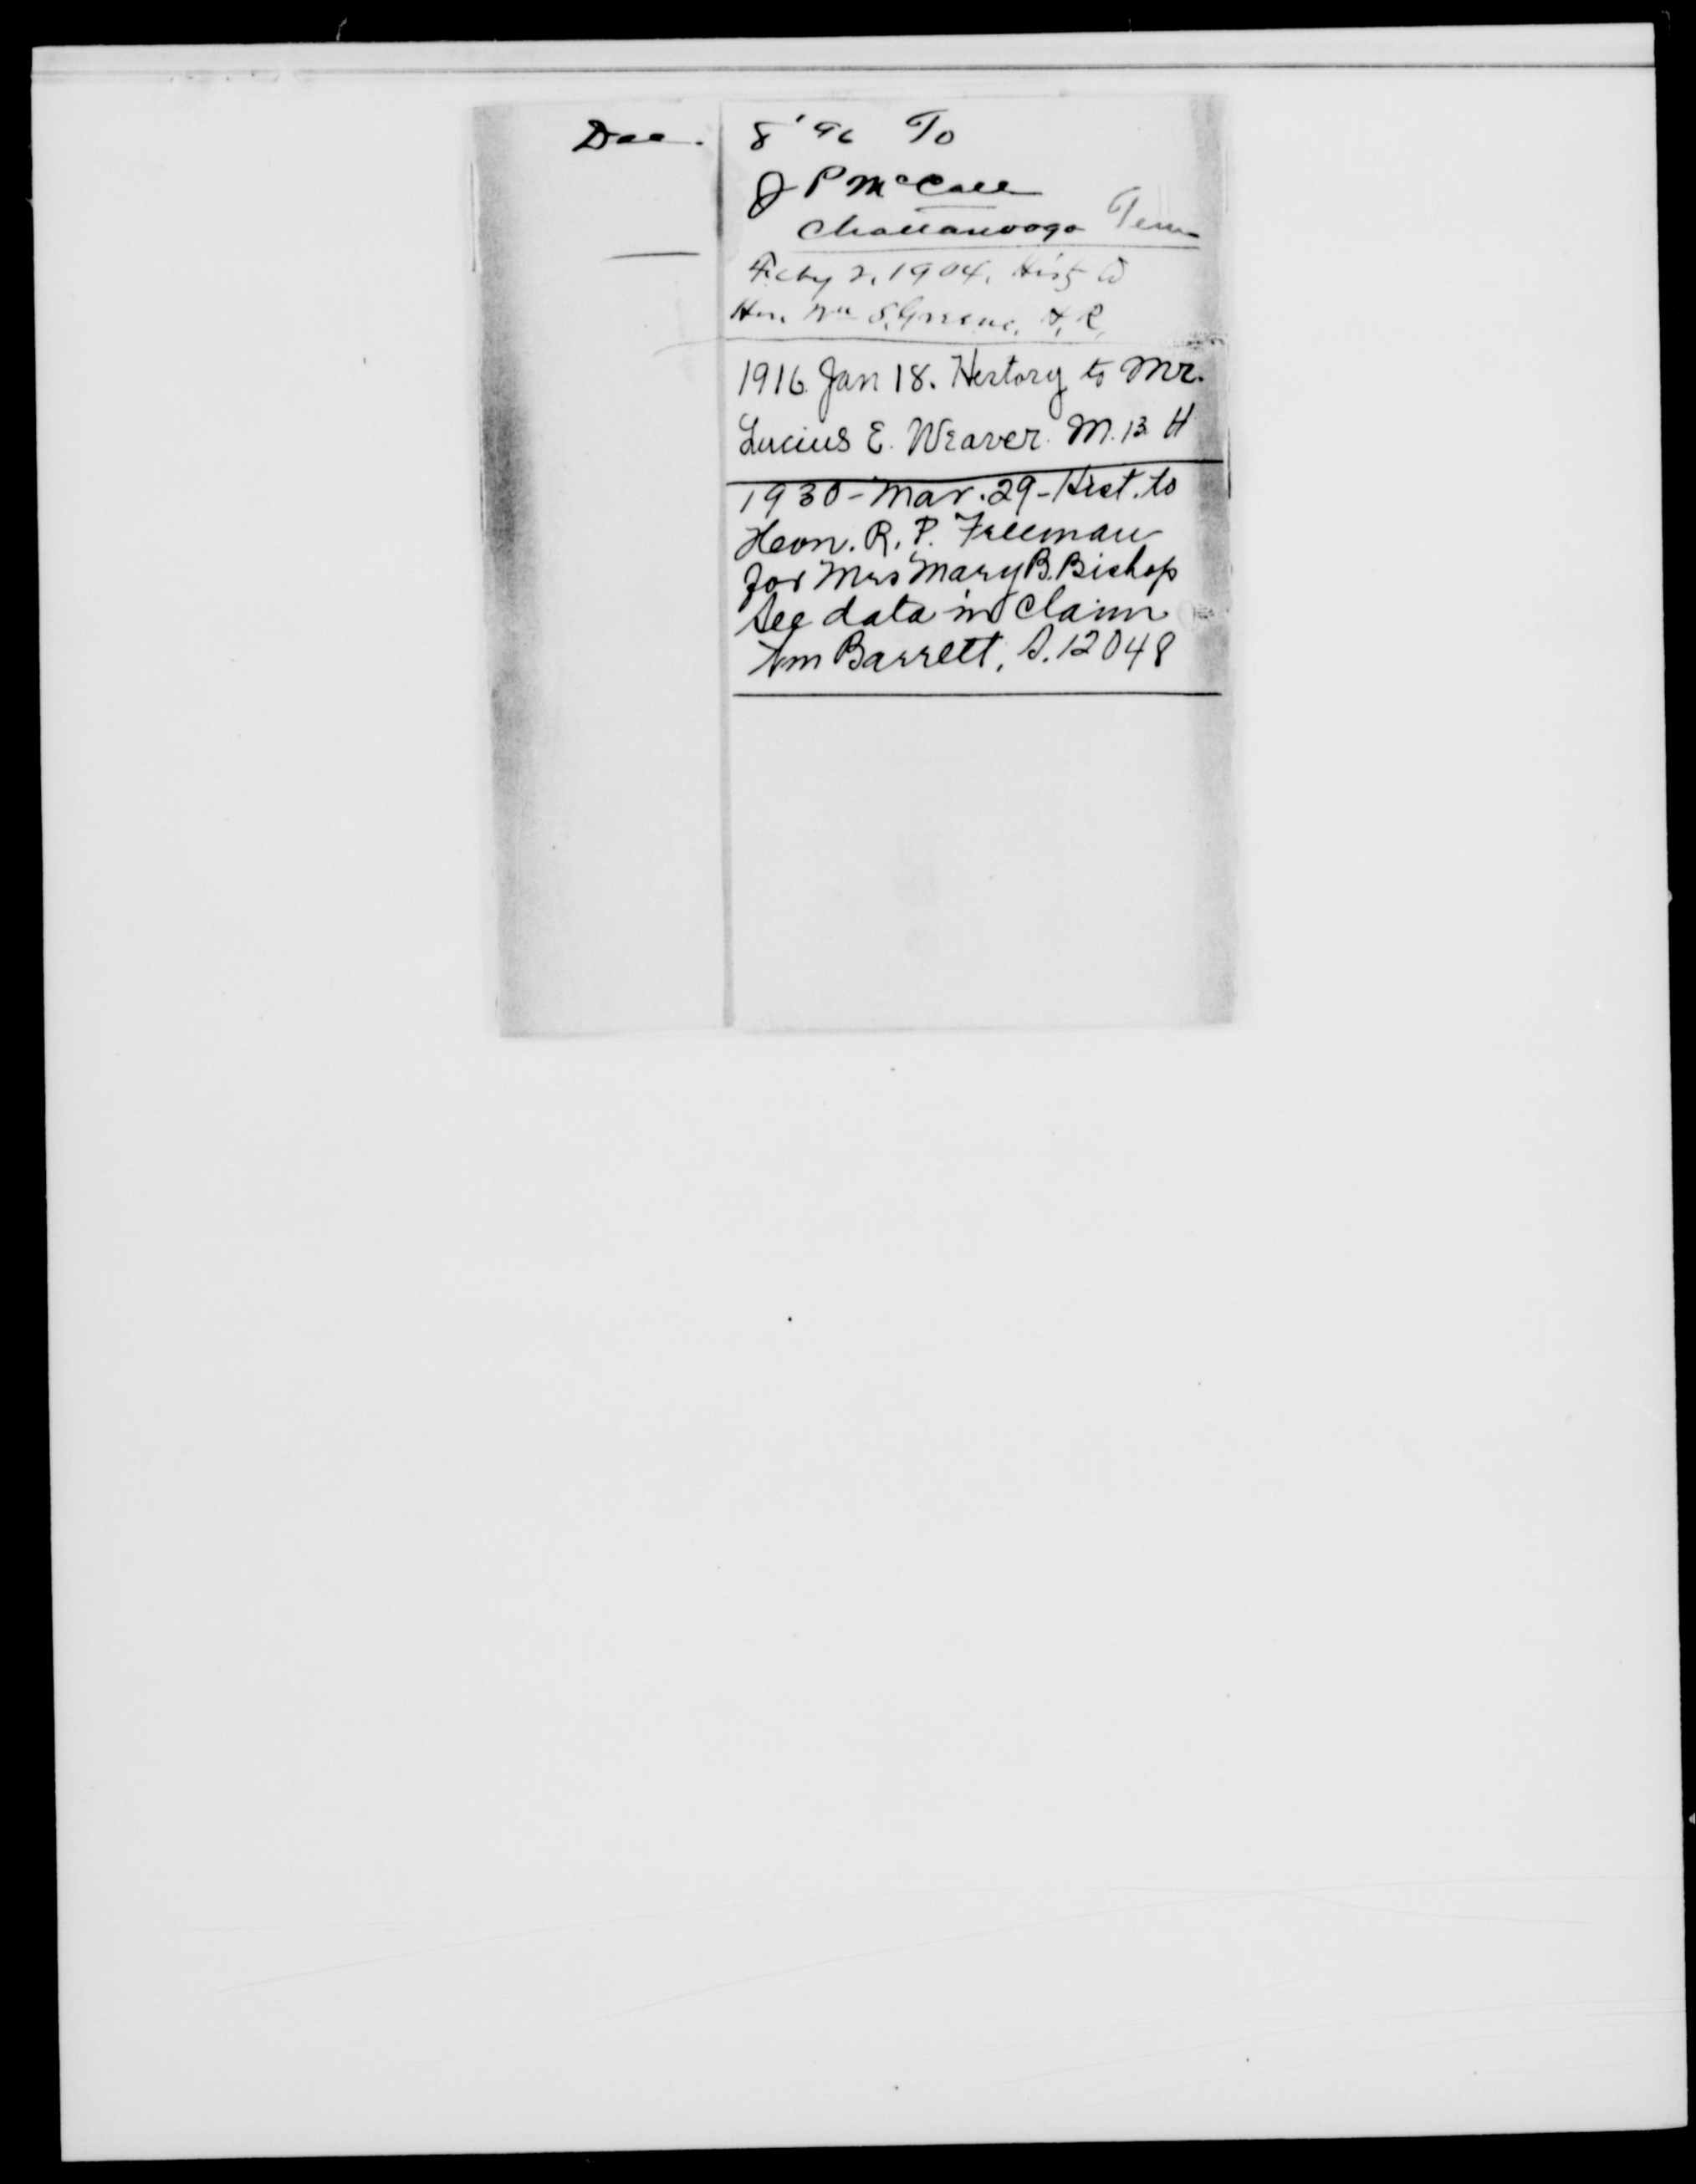Dec 8’ 96 To
J.P McCall
Chattanooga Tenn

Feb 2, 1904 Hist __
Hon, Wm S. Greene H. R.

1916 Jan 18. History to Mr. Lucius E. Weaver. M 13 H

1930- Mar. 29 Hist to ____ R. P. Freeman
For Mrs Mary B. Bishop 
See data in claim 
Wm Barrett, S 12048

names: Lucius E Weaver, Wm Barrett, Wm S Greene, J P Mc Call, Mary B Bishop, R P Freeman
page: 48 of 53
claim: widow's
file: W 17707, Benjamin Weaver, R.I.